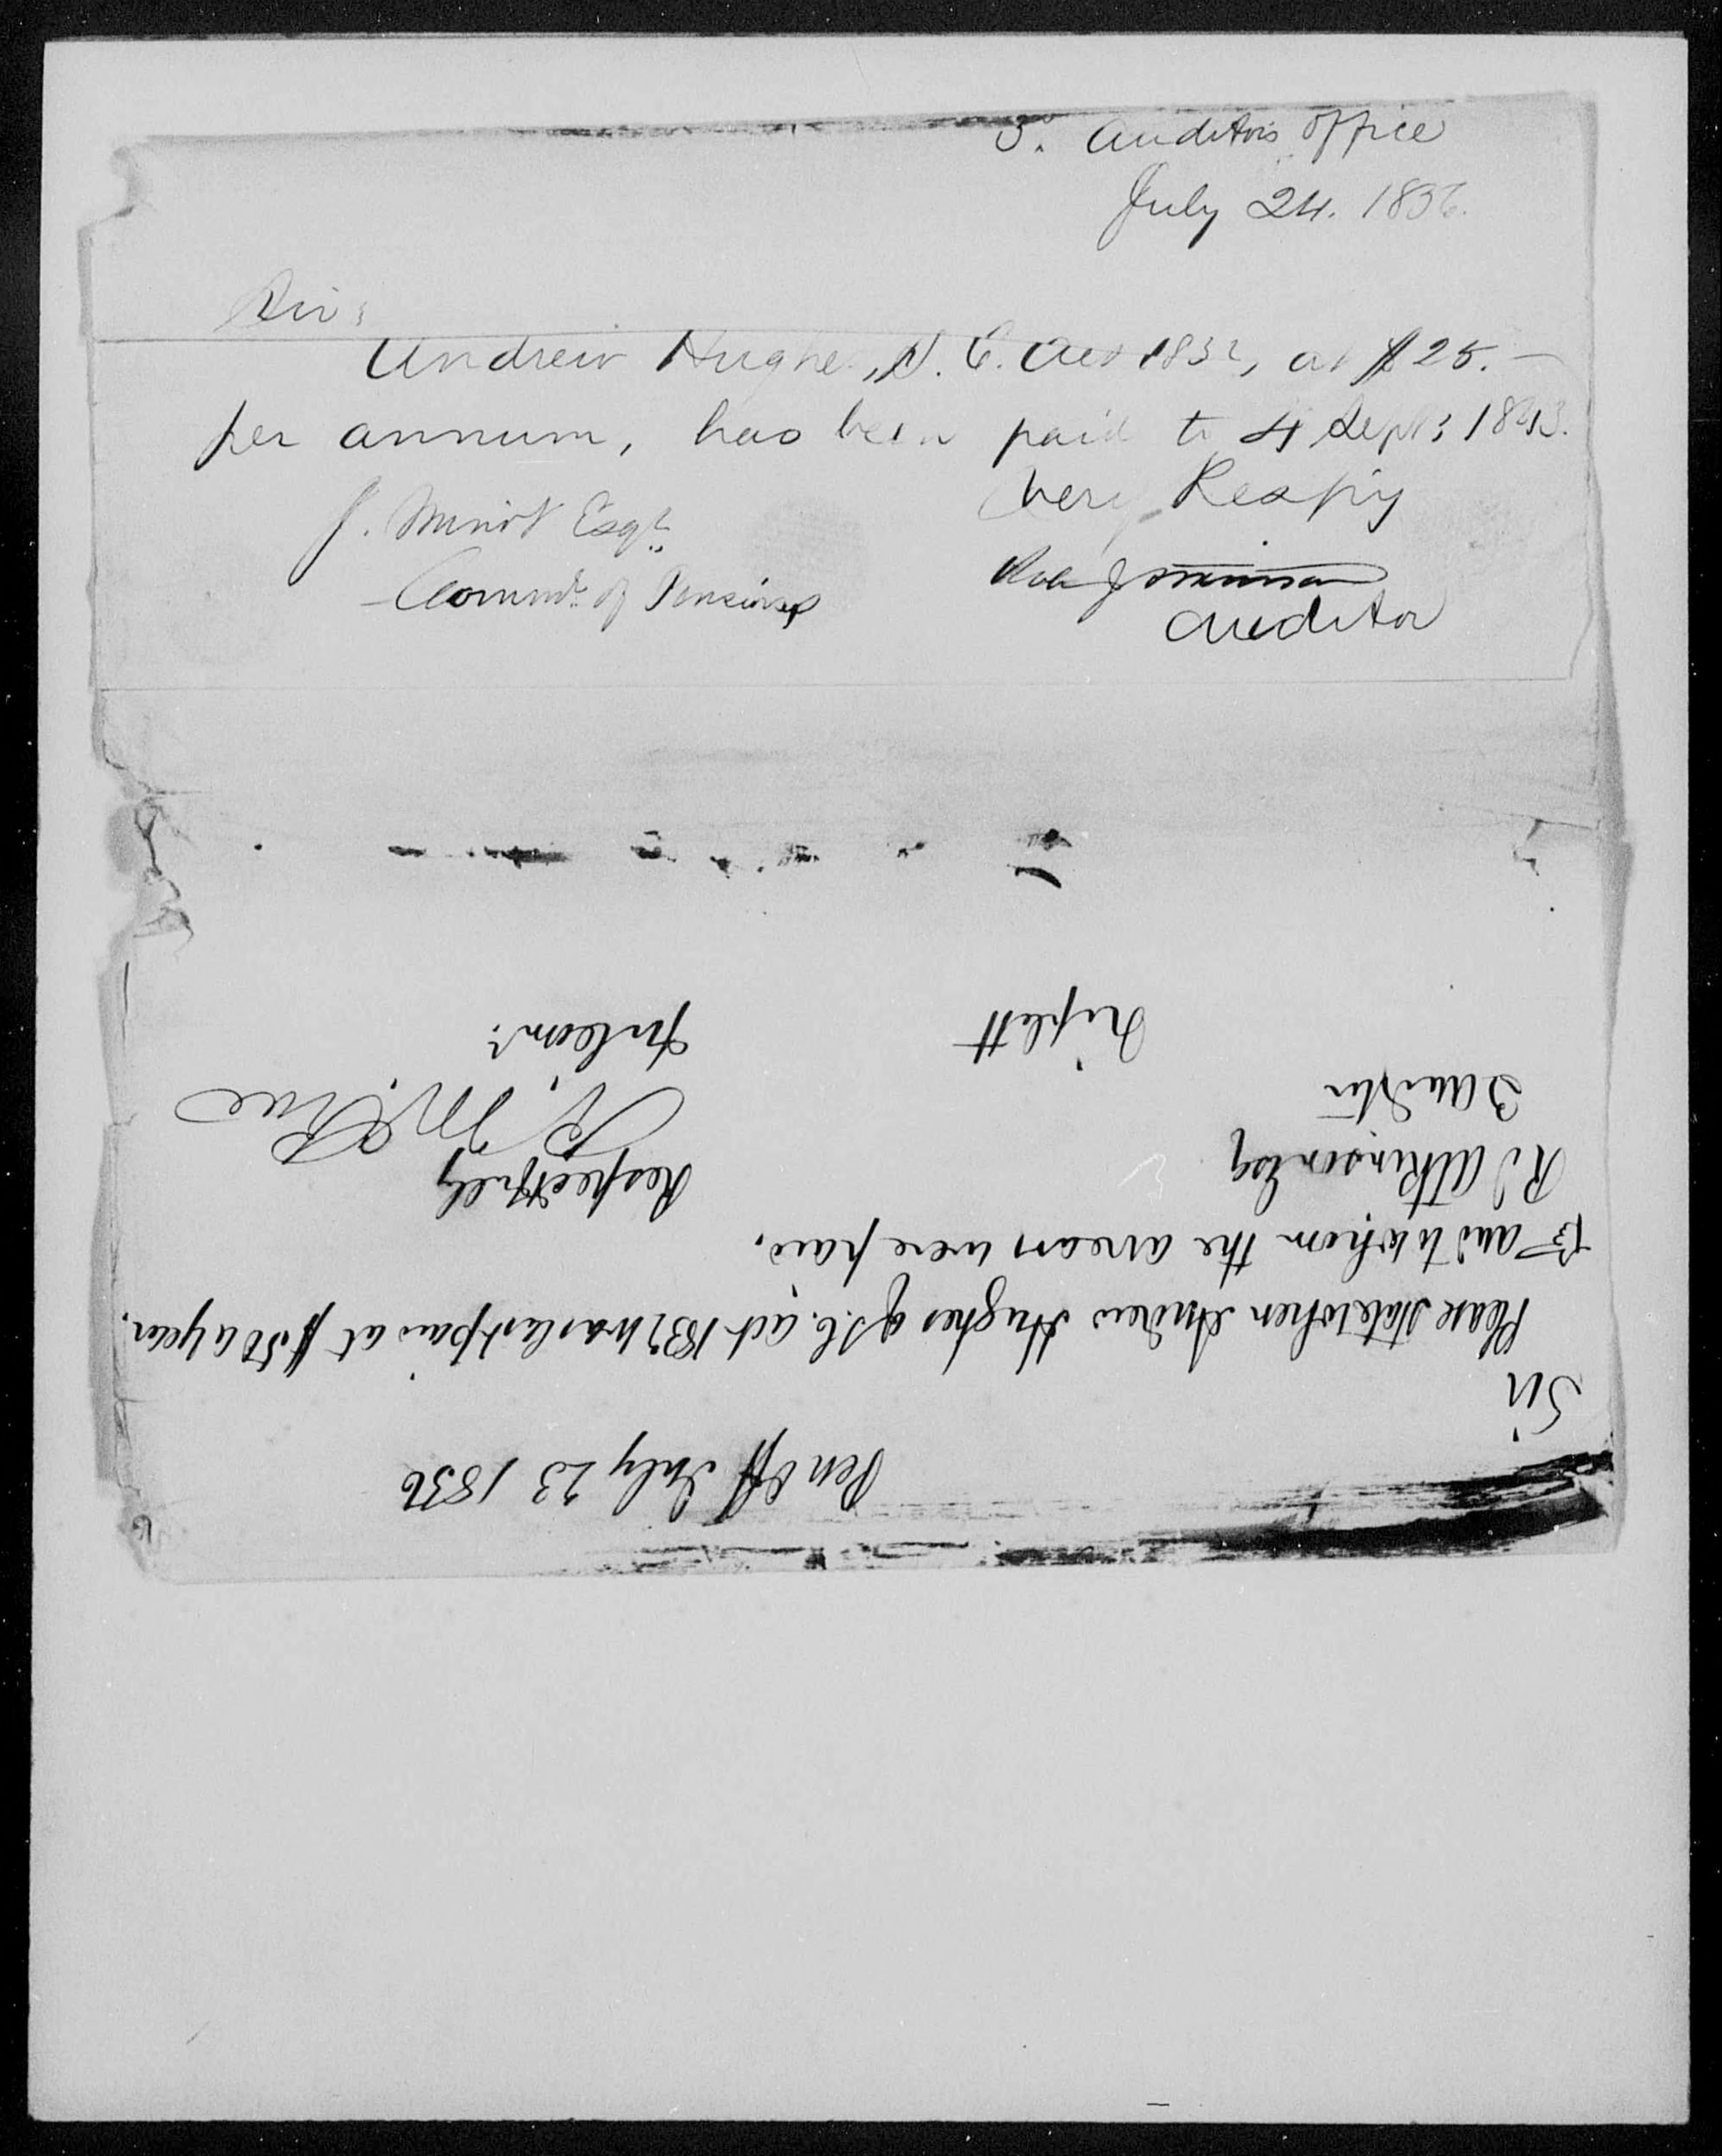Auditors Office
July 24, 1836

Sir,
Andrew Hughes, [Illegible] 1832, at $25 per annum has been paid to 4 Sept, [Illegible]
J. Minot Esq.
[Illegible] of Pensions
[Illegible]
[Illegible]
[Illegible]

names: R J Atkinson, Rob J Atkinson, Triplett, J Minot, Andrew Hughes, R Mc Rue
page: 23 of 75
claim: widow's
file: W. 25805, Andrew Hughes, N.C.